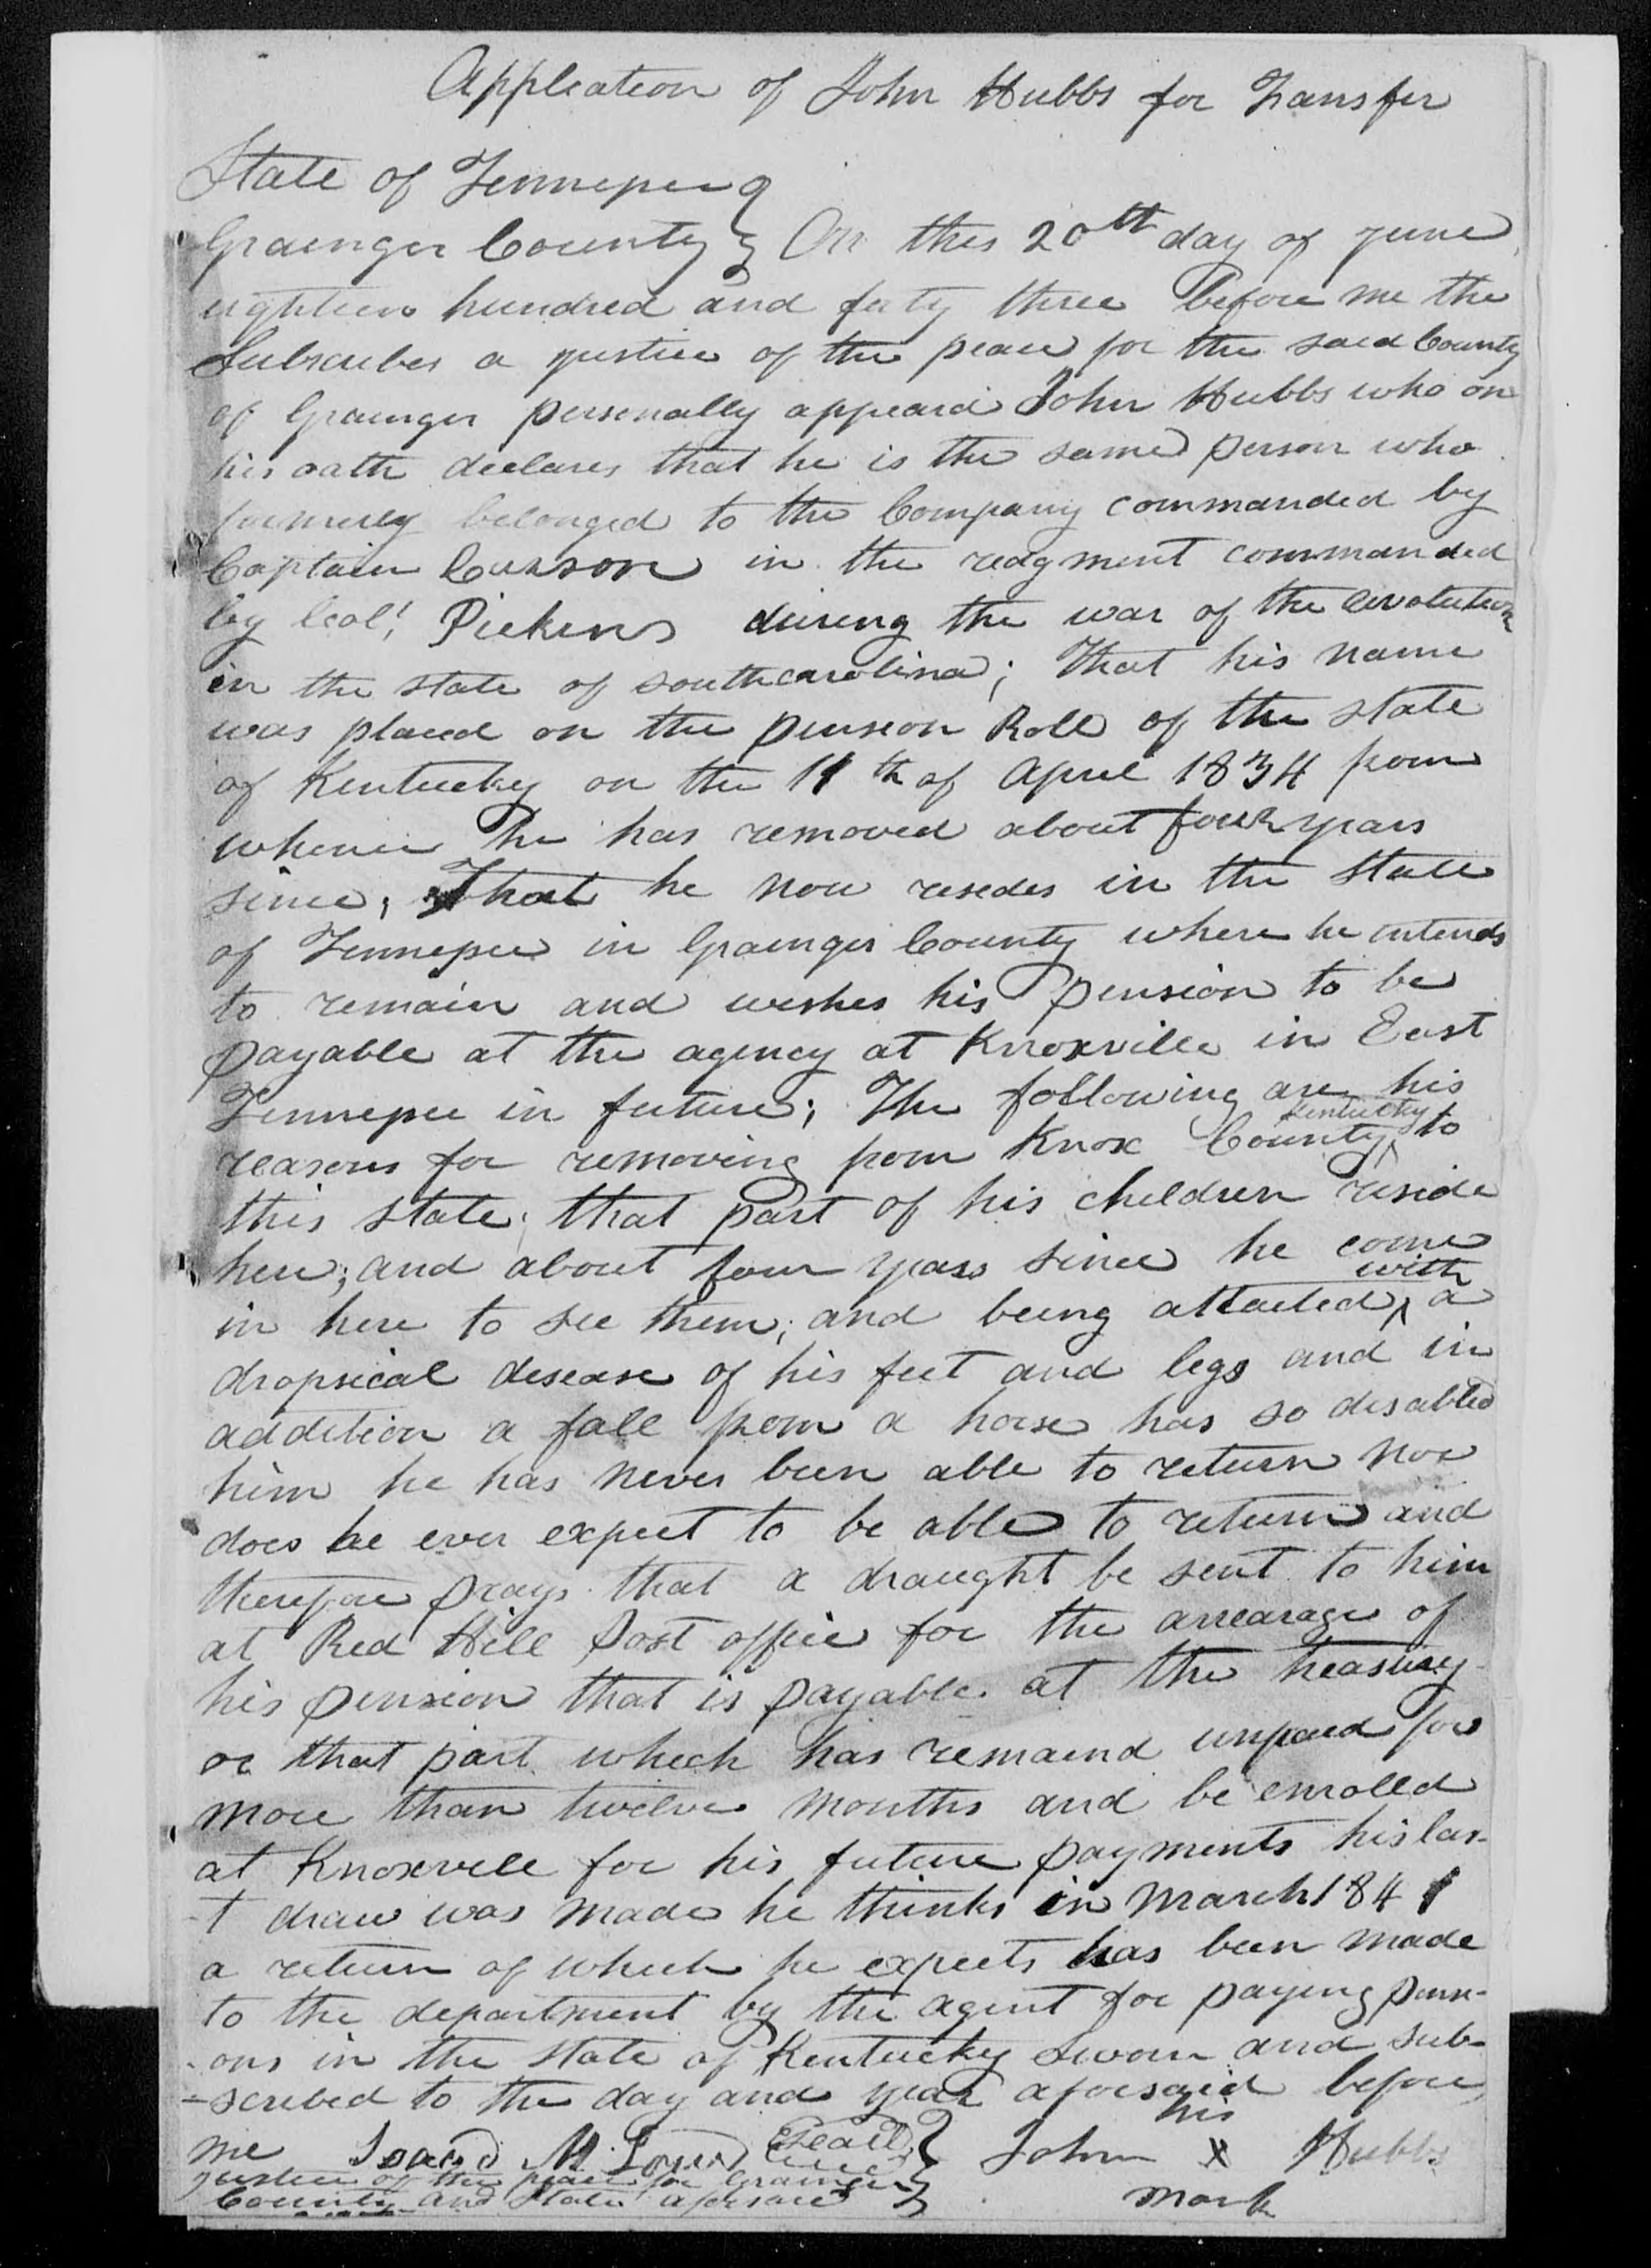Application of John Hubbs for Transfer
State of Tennessee
Grainger County 

On this 20th day of June eighteen hundred and forty three before me the Subscriber a Justice of the peace for the said County of Granger personally appeared John Hubbs who on
his oath declares that he is the same person who
formerly belonged to the Company commanded by Captain Carson in the redgment commanded by Col. Pickens during the war of the revolution in the State of South Carolina; That his name was placed on the pension Roll of the State of Kentucky on the 11th of April 1834 for whence he has removed about four years since.  That he now resides in the State of Tennessee in Grainger County where he intends to remain and wishes his pension to be payable at the agency at Knoxville in East Tennessee in future; The following are his reasons for removing from Knox County Kentucky to this State, that part of his children reside here, and about four years since he come in here to see them, and being attacted with a dropsical desease of his feet and legs and in addition a fall from a horse has so disabled him he has never been able to return nor does he ever expect to be able to return and therefore prays that a draught be sent to him at Red Hill Post office for the arrearage of his pension that is payable at the Treasury or that part which has remaind unpaid for more than twelve months and be enrolled at Knoxville for his future payments his last draw was made he thinks in March 1841 a return of which he expects has been made to the department by the agent for paying pensions in the State of Kentucky Sworn and subscribed
to the day and year aforesaid before me
Isaac M. Loyer (Seal)
Justice of the Peace for Grainger County and
State aforesaid
 His Mark - John Hubbs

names: Isaac M Lorde, Curson, Picken, John Hubbs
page: 72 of 86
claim: widow's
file: W. 1035, John Hubbs, S.C.